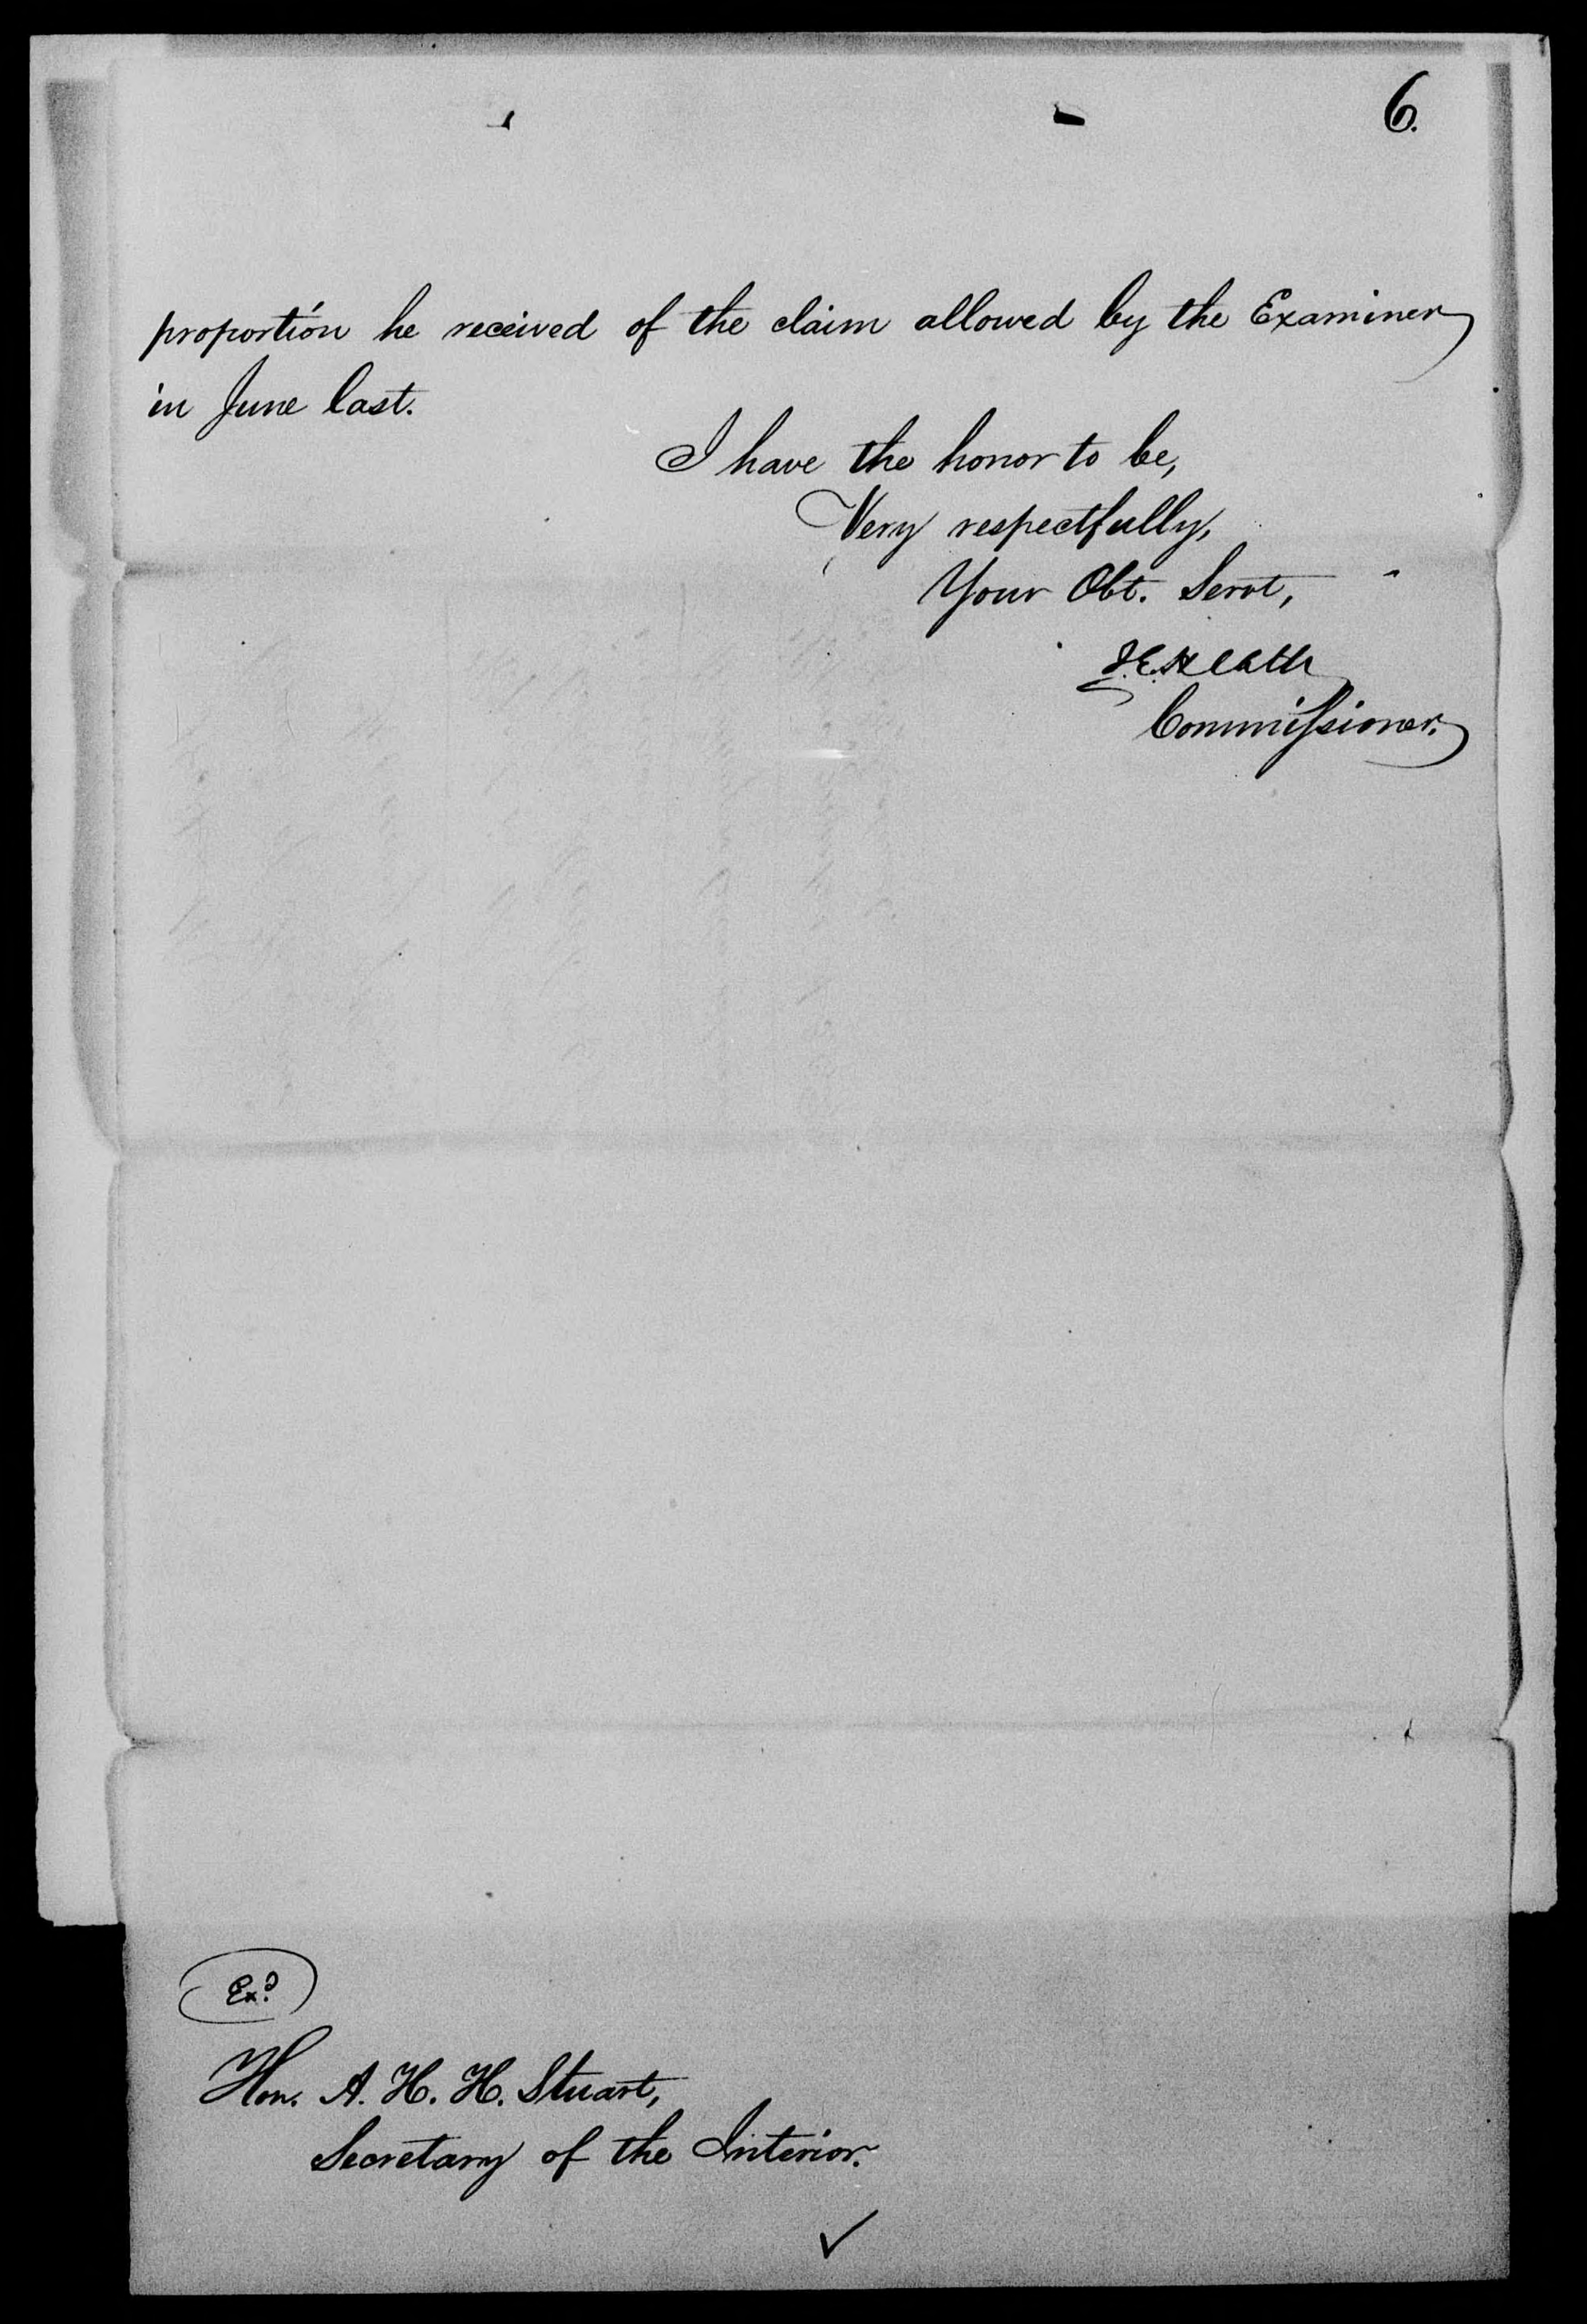6.

proportion he received of the claim allowed by the Examiner in June last.  


I have the honor to be,
Very respectfully, 
Your Obt. Servt,
J.E. Heath
Commissioner.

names: A H H Stuart, J E Heath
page: 53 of 63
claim: survivor's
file: S. 18457, Elisha Hubbard, Conn. Continental